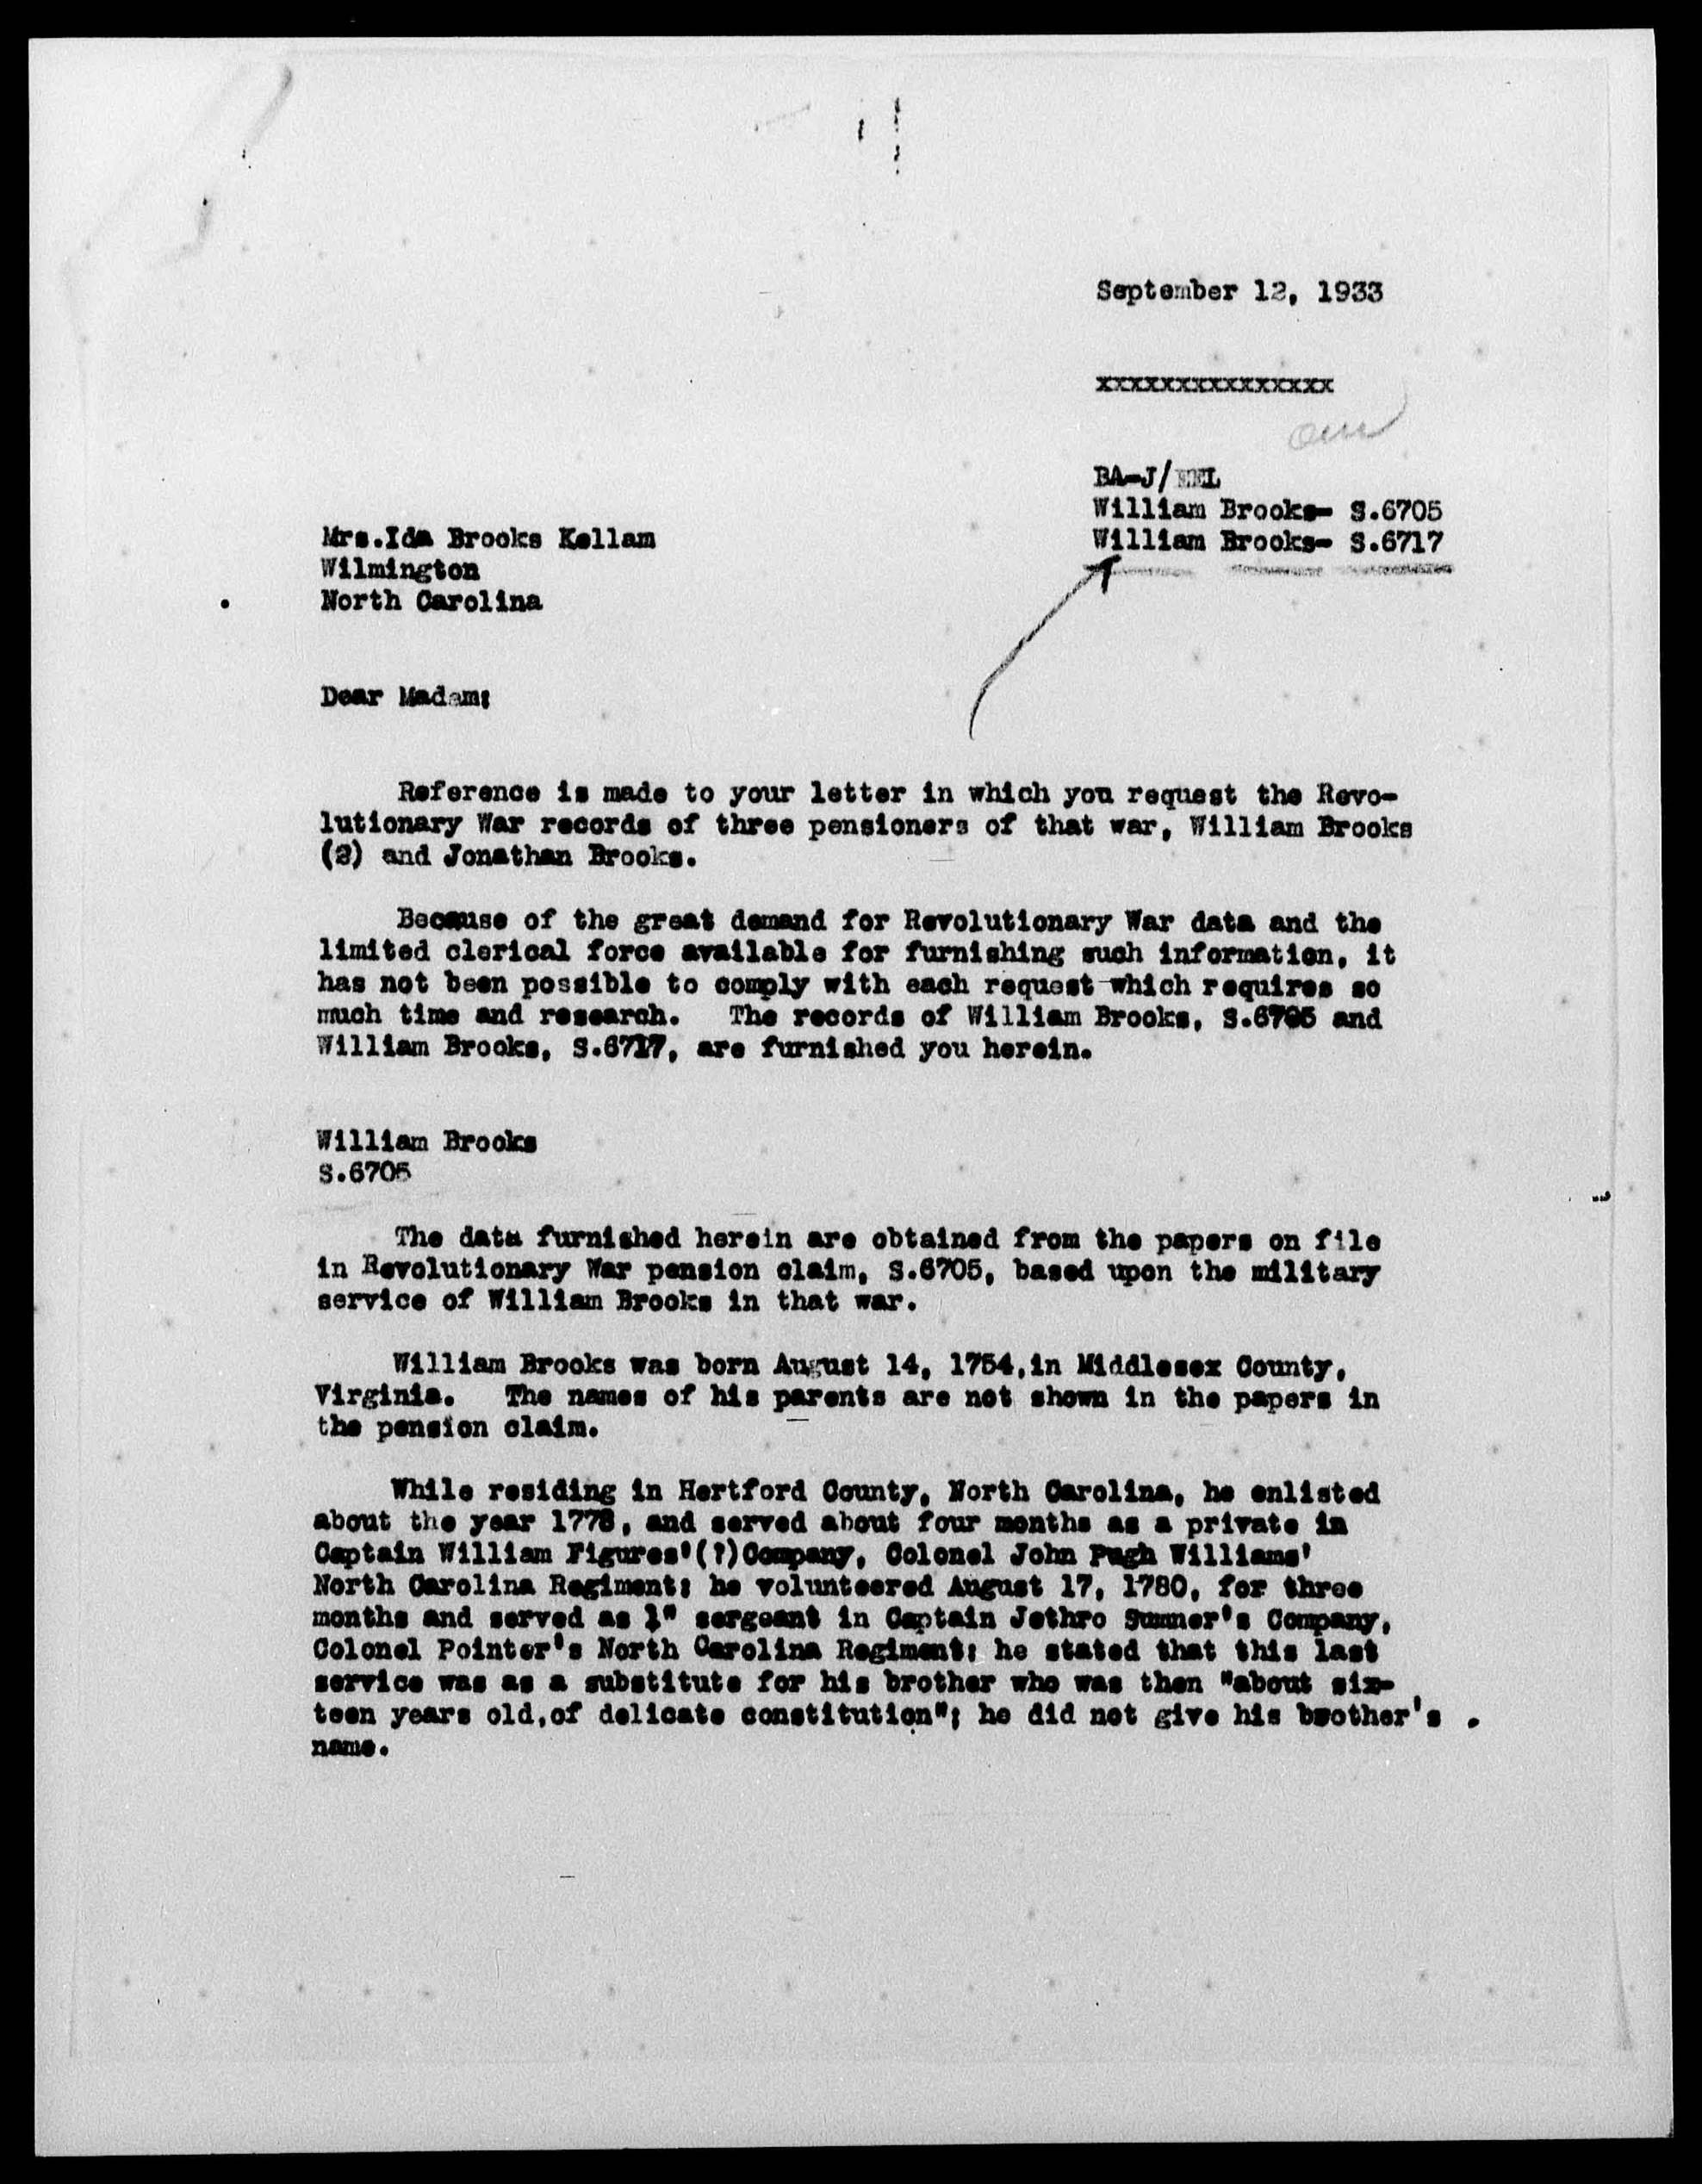September 12, 1933

                                         xxxxxxxxxxxxxxx
                                         
                                          BA-J/EEL
                                          William Brooks-S. 6705
                                          William Brooks S.6717
Mrs. Ida Brooks Kellam
Wilmington
North Carolina

Dear Madam:

Reference is made to your letter in which you request the Revolutionary War records of three pensions of that war, William Brooks (2) and Jonathan Brooks.

Because of that great demand for Revolutionary War data and the limited clerical  force available for furnish such information, it has not been possible to comply with each request which requires so much time and research. The records of William Brooks, S.6705 and William Brooks, S. 6717 are furnished you herein.

William Brooks.
 S. 6705

The data furnished herein are obtained from the papers on file in Revolutionary War pension claims, S.6705, based upon the military service of William Brooks in that war.

William Brooks was born August 14, 1754, in Middlesex County, Virginia. The names of his parents are not shown in the papers in the pension claim.

While residing in Hartford County, North Carolina, he enlisted about the year 1778, and served about four months as a private in Captain William Figures (?)) Company, Colonel John Pugh Williams' North Carolina Regiment: he volunteered for three months and served as 1st sergeant in Captain Jethro Sumner's Company, Colonel Pointer's North Carolina Regiment: he stated that this last service was as a substitute for his brother who was then "about six-teen years old of delicate constitution': he did not give his brother's name.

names: Ida Brooks Kellam, William Brooks, William Brooks, William Brooks, William Brooks, William Brooks, William Brooks, William Brooks, William Brooks, Jonathan Brooks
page: 12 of 17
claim: survivor's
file: S. 6717, William Brooks, Md. N.C.